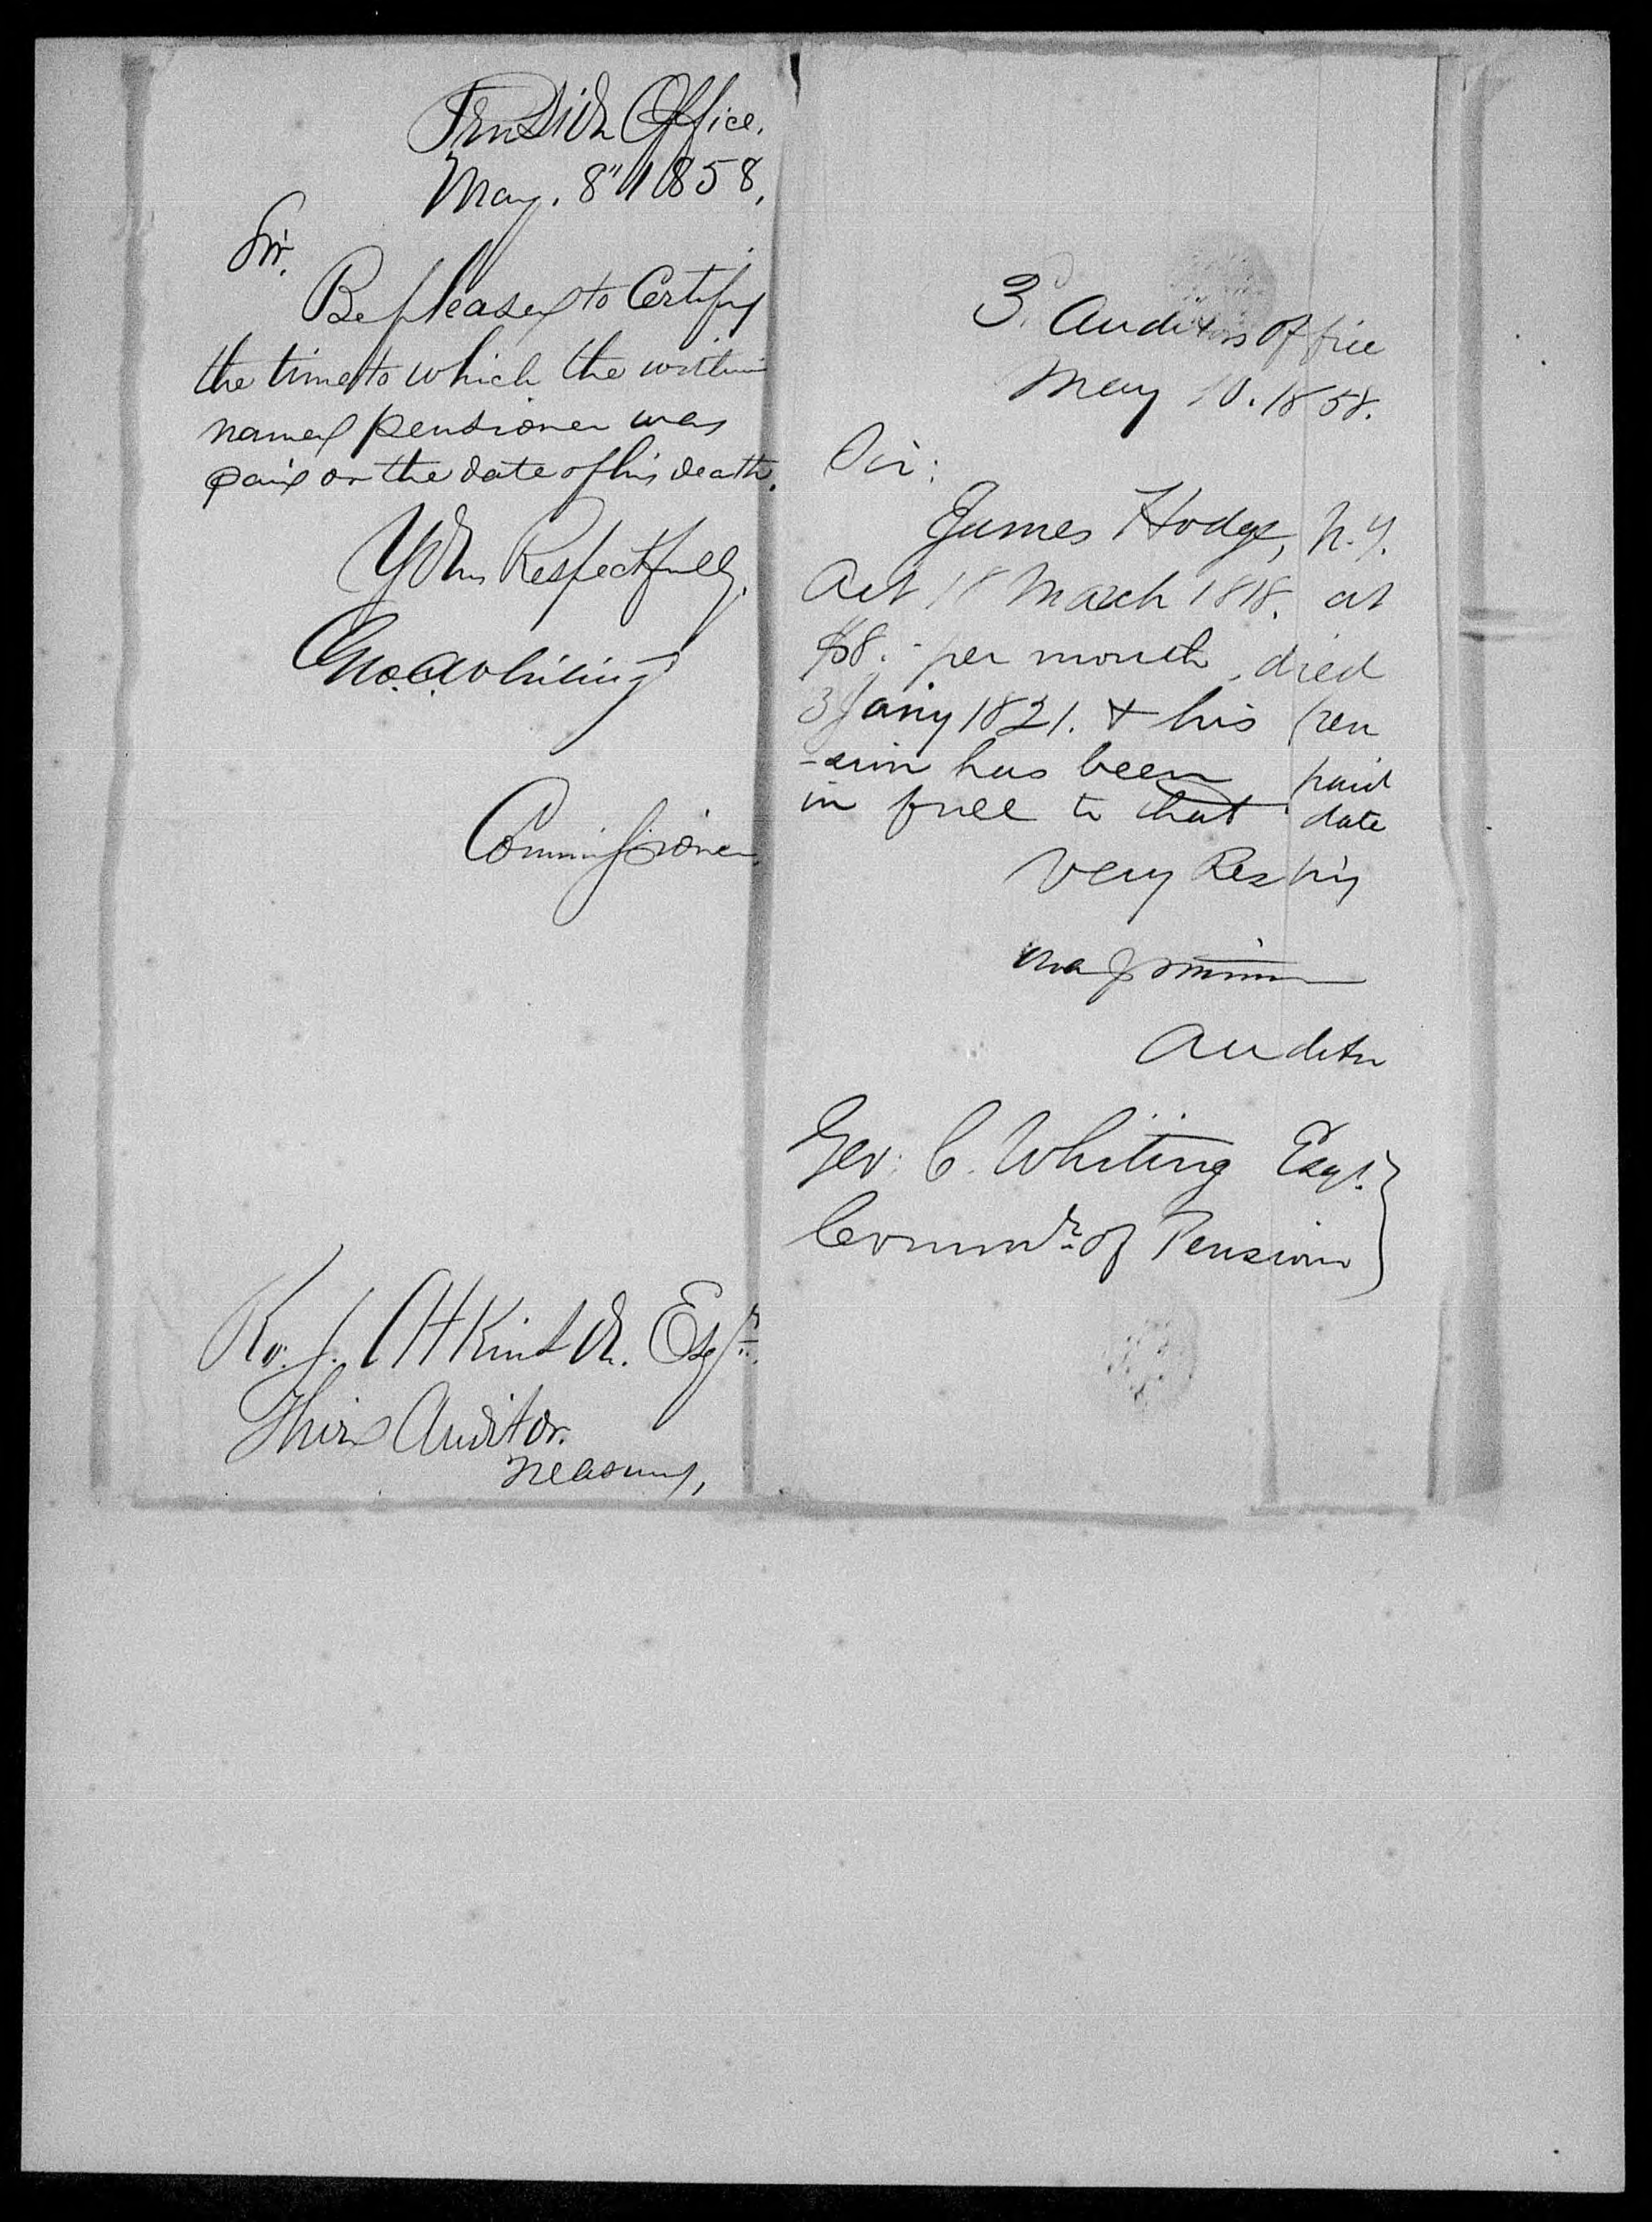Pension Office
May. 8 1858
Sir.
[illegible] to certify the time to which the written names pensioner was [illegible] on the date of his death.
Yours Respectfully.
[illegible]
[illegible]

To: J. CH Kind Esq
His Auditor.
[illegible]

3 Auditors Office
May 10. 1858
Sir:
James Hodge, N.Y.
[illegible] 18 March 1818. at 
$8 per month, died
3 Jany 1821. this pension has been paid in full to that date
very [illegible]
[illegible]
Auditor
Ger: C Whiting Esq.
[illegible]  of Pensions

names: Geo C Whiting, Ro J Atkins, James Hodge, Geo C Whiting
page: 16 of 48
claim: widow's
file: W. 10476, James Hodge, New York